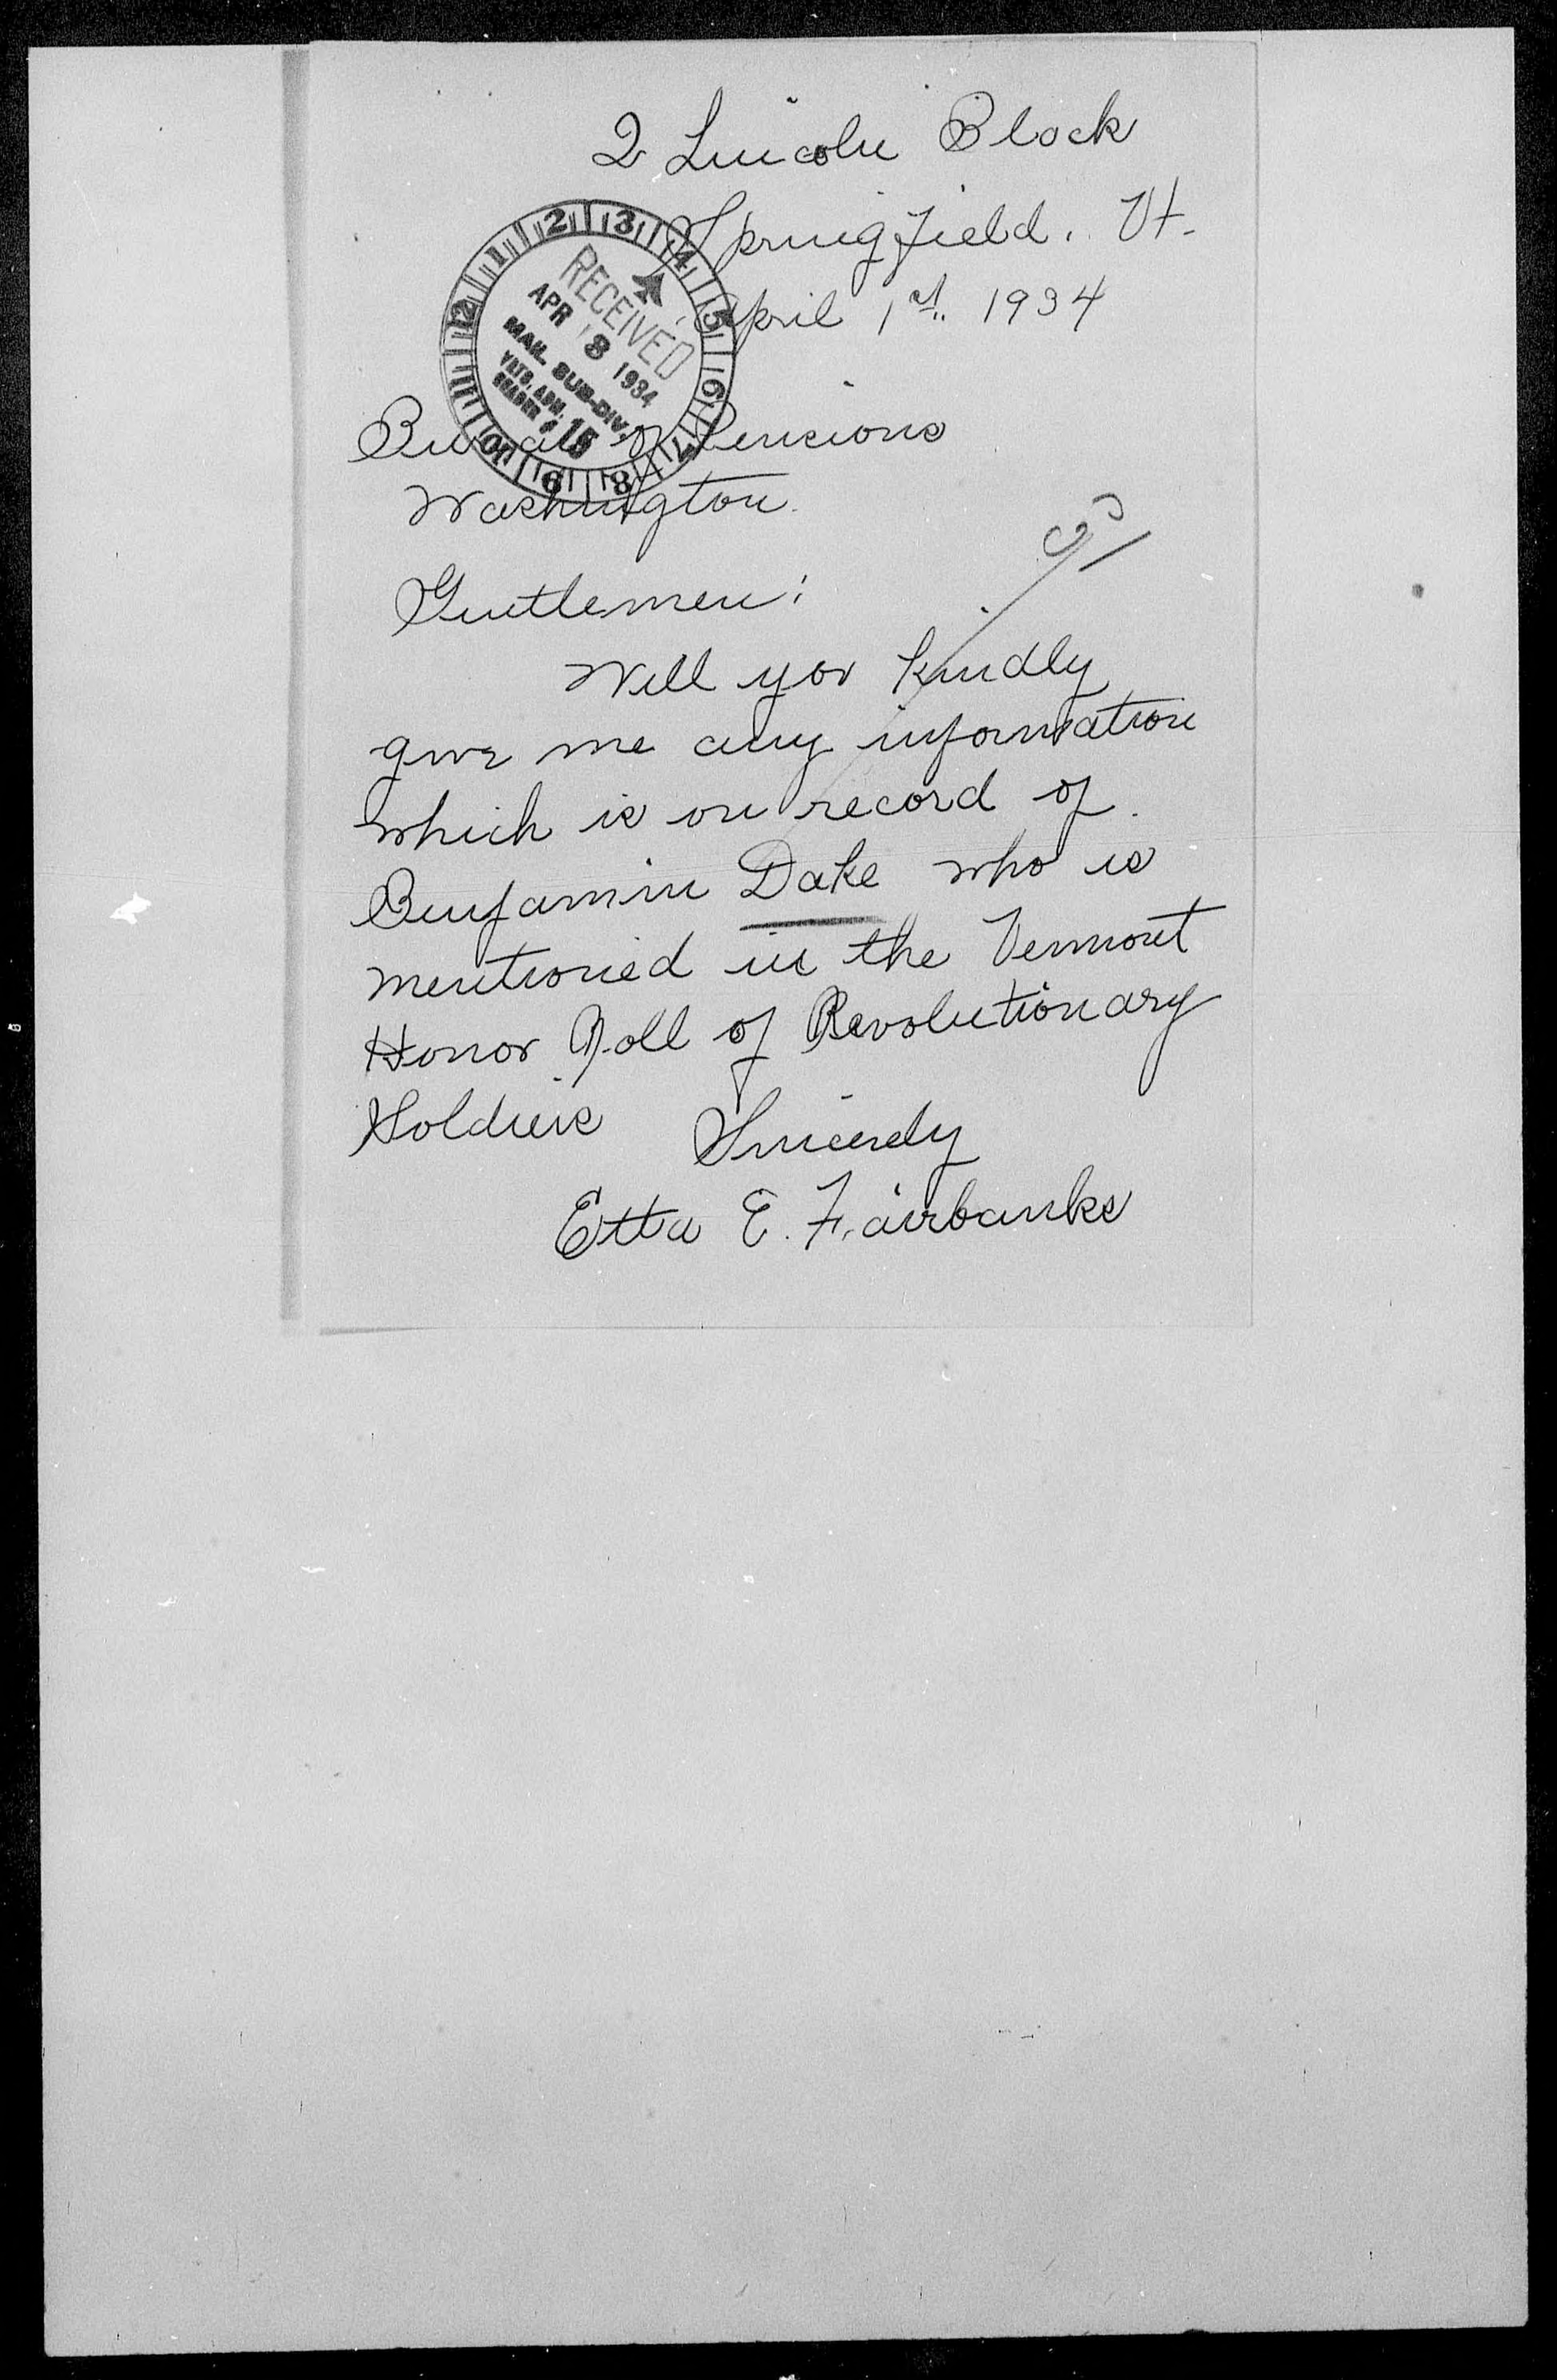2 Lincoln Block
Springfield, VT
April 1st, 1934

[Council] of Pensions
Washington

Gentleman: 
Will you kindly give me any information which is on record of  Benjamin Dake who is mentioned in the Vermont Honor Roll of Revolutionary soldiers. 
Sincerely, 
Etta E. Fairbanks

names: Benjamin Dake, Etta E Fairbanks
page: 37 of 42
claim: rejected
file: R. 2,625, Benjamin Dake, R.I.